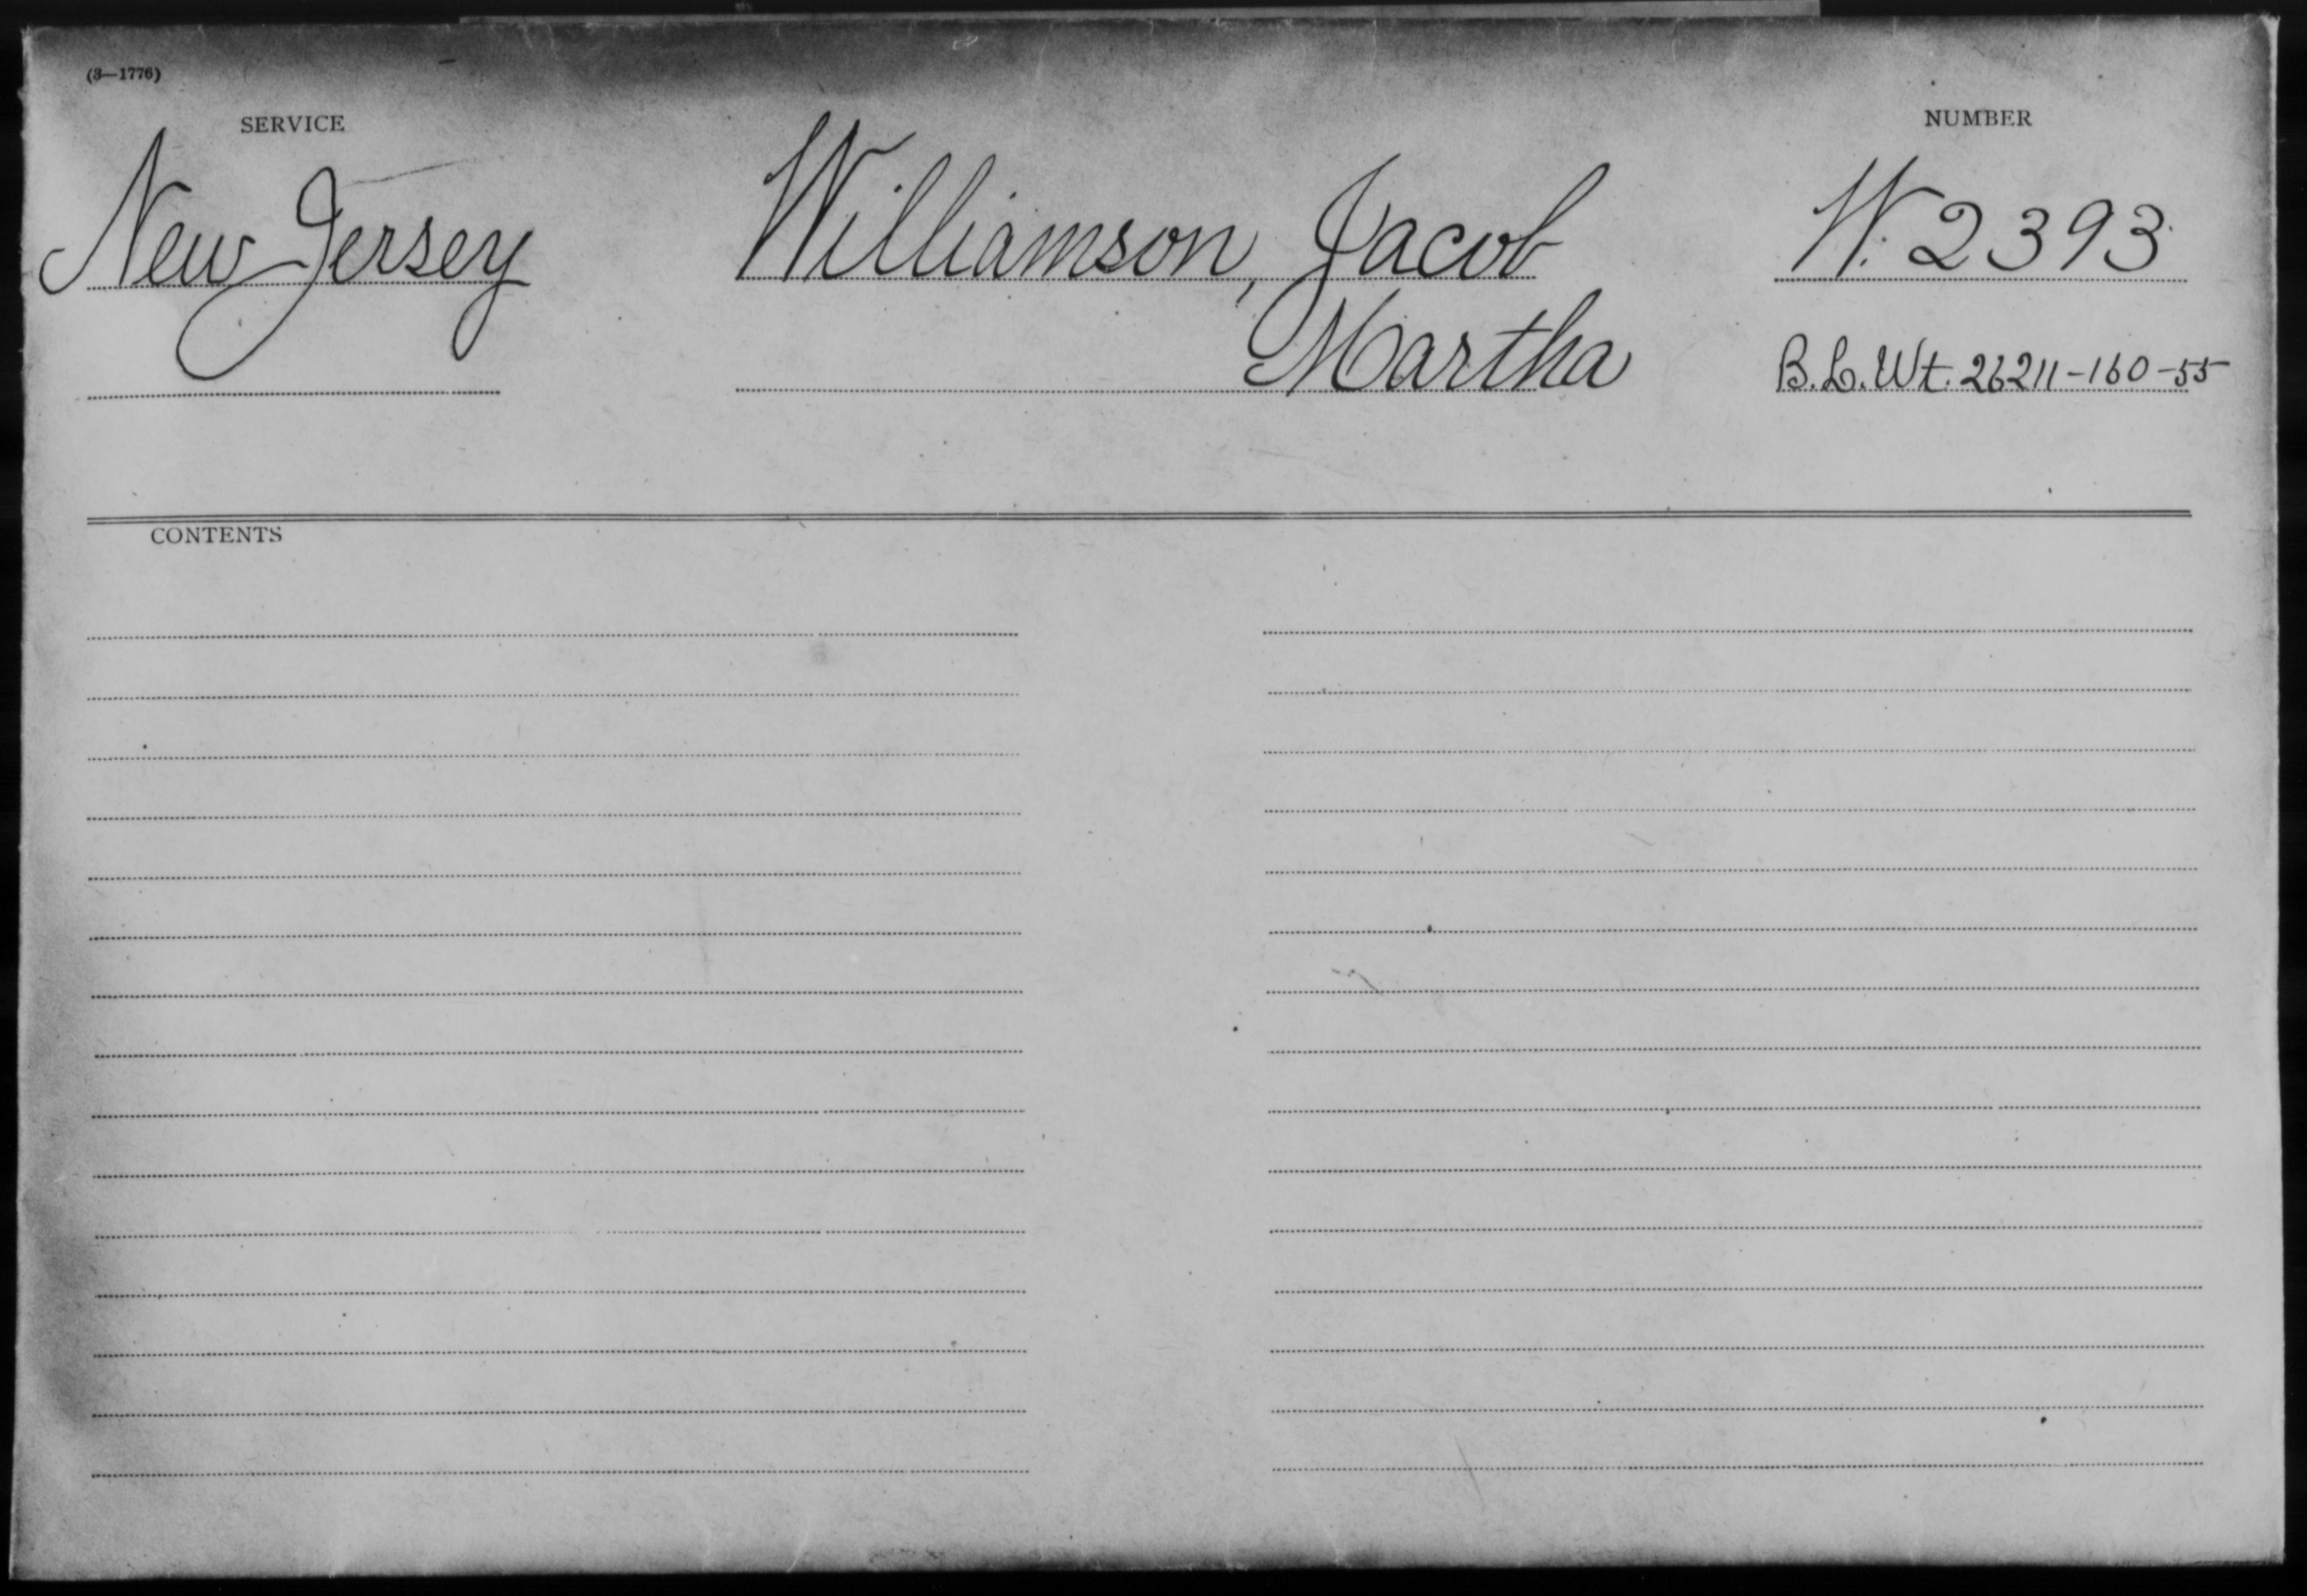(8-1776)

SERVICE | NUMBER
New Jersey | Williamson, Jacob / Martha | W.2393 B.L.Wt.26211-160-55

CONTENTS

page: 1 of 67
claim: widow's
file: W. 2393, Jacob Williamson, New Jersey